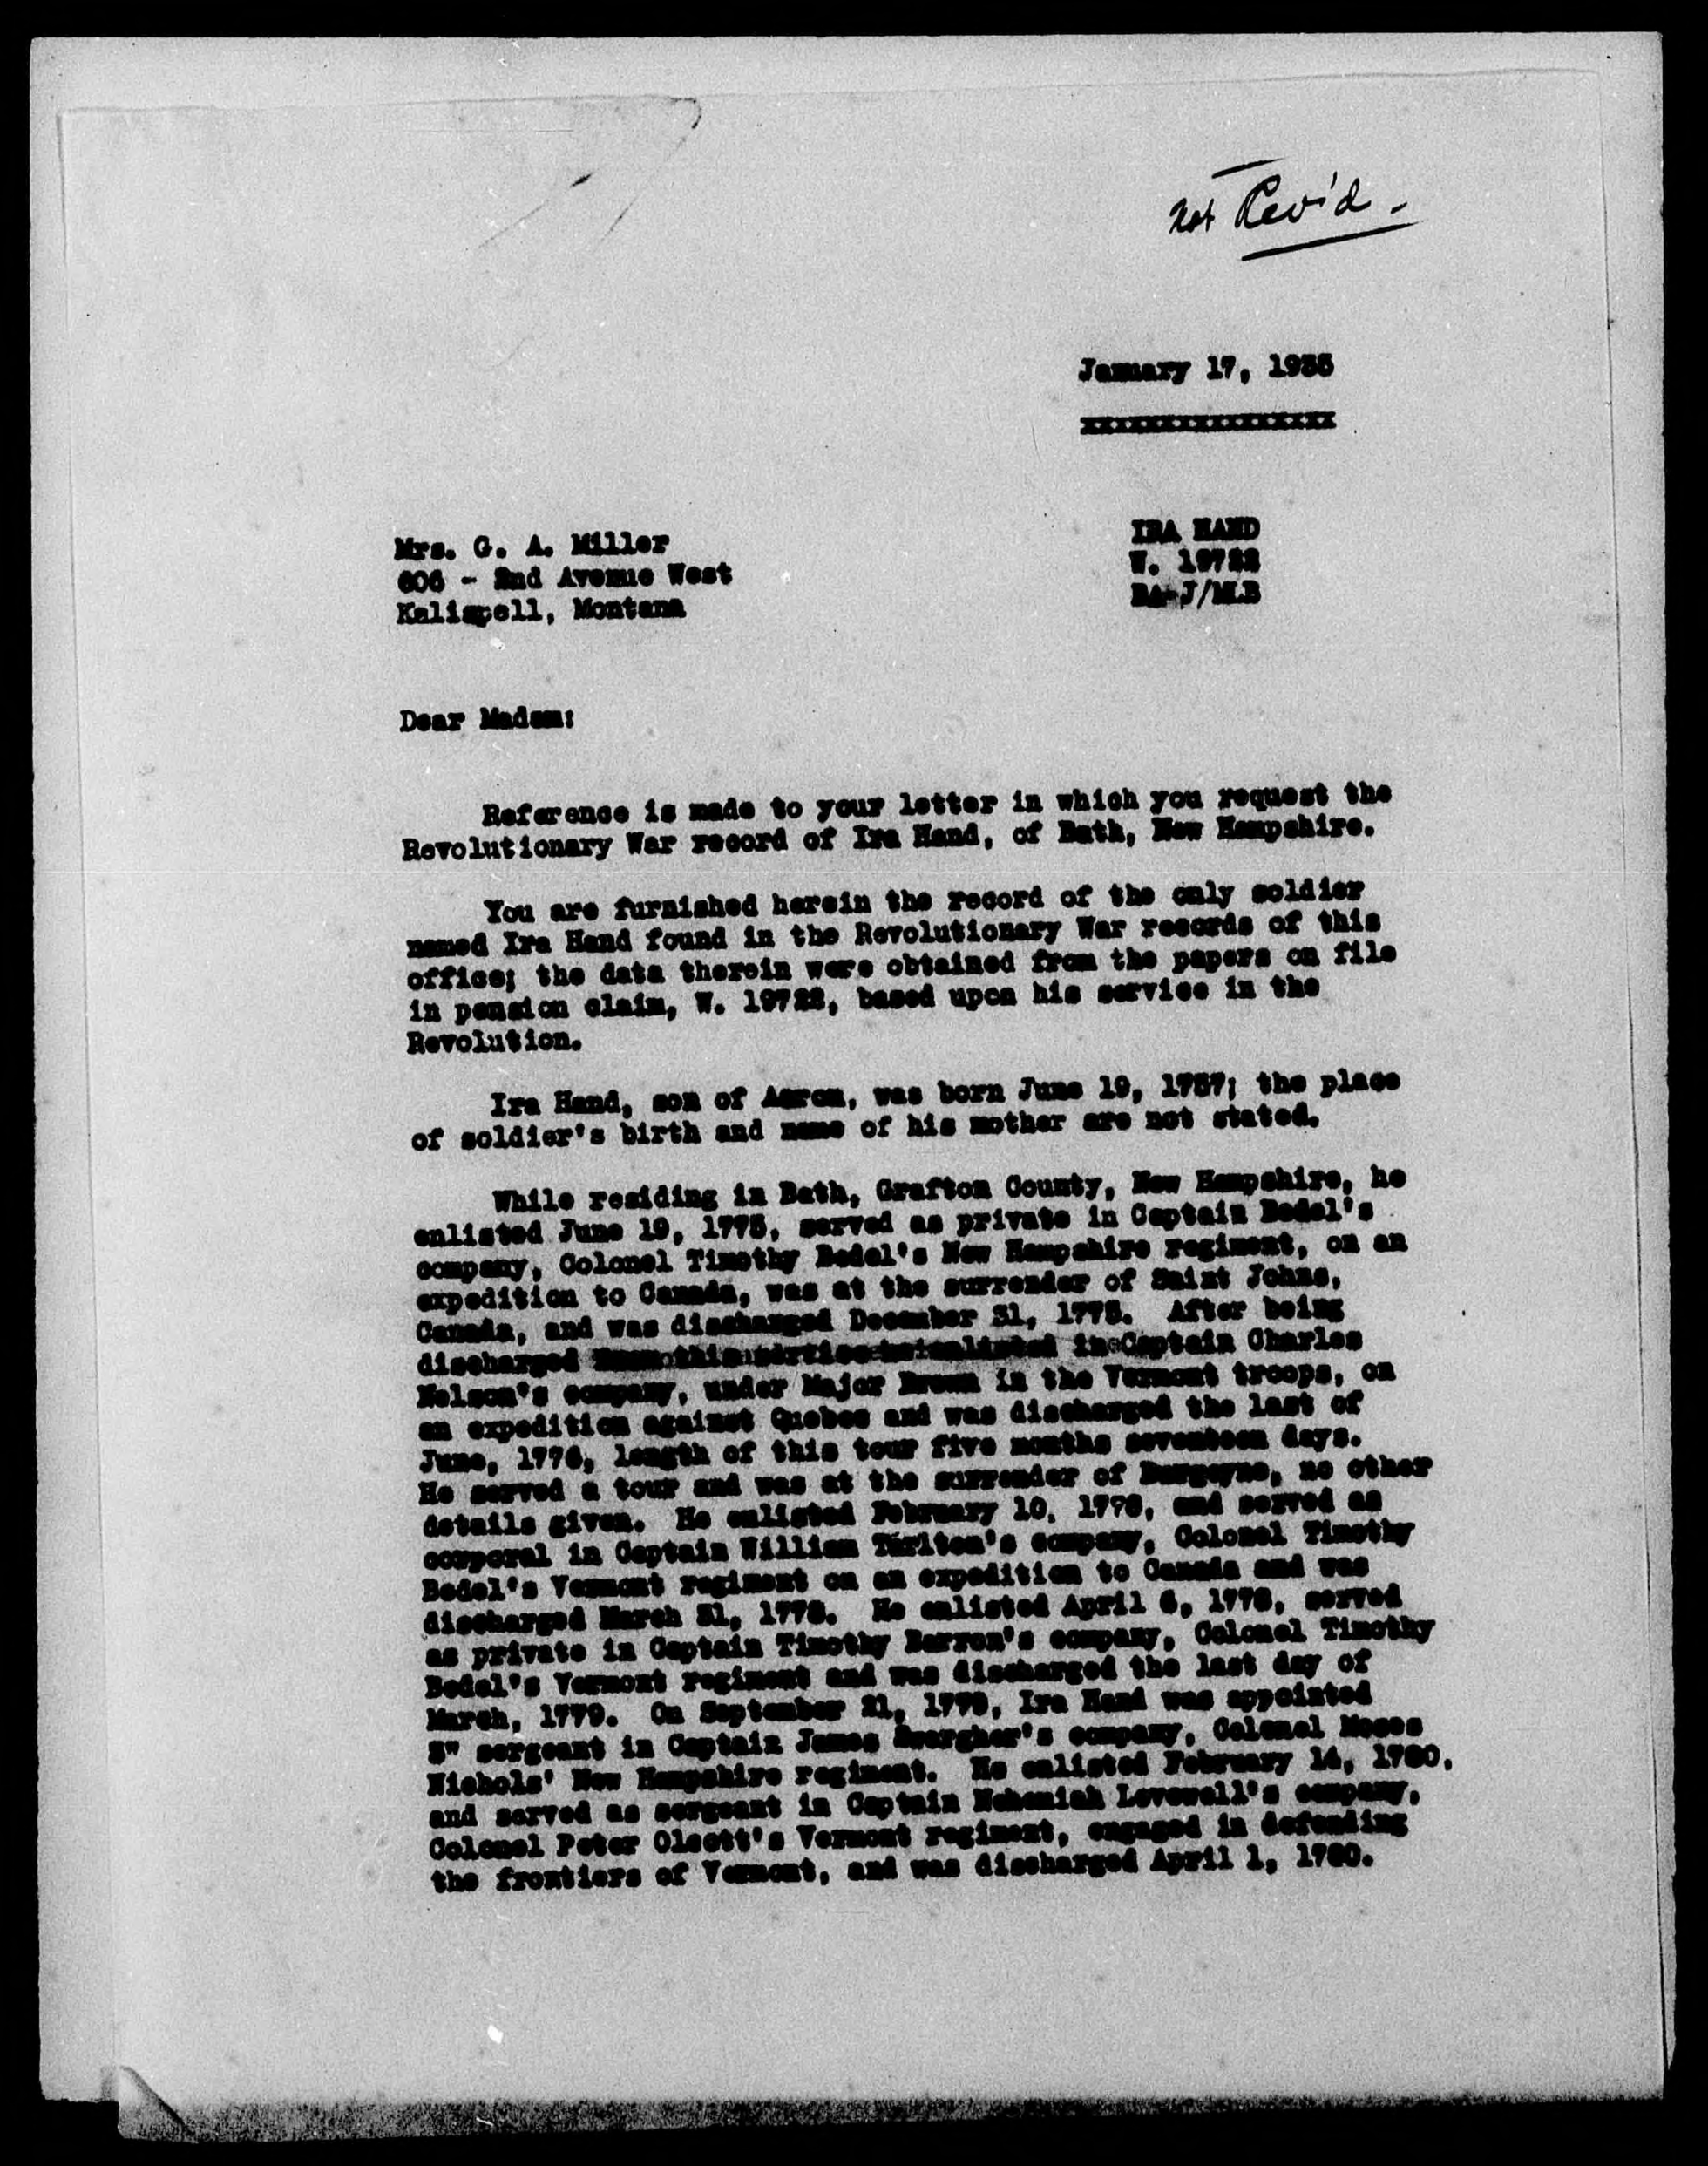Not Recv'd
January 17, 1935
Mrs. G. A. Miller
606 - 2nd Avenue West
Kalispell, Montana
Ira Hand
W. 15722
BA-J/MLB
Dear Madam:

Reference is made to your letter in which you request the Revolutionary War record of Ira Hand, of Bath, New Hampshire.
You are furnished herein the record of the only soldier named Ira Hand found in the Revolutionary War records of this office, the data therein were obtained from the papers on file in pension claim, W. 1733, based upon his service in the Revolution.
Ireland, son of Aaron, was born June 19, 1757; the place of soldier's birth and name of his mother are not stated.
While residing in Bath, Grafton County, New Hampshire, he enlisted June 19, 1775, served as private in Captain Bedel's company, Colonel Timothy Bedel's New Hampshire regiment on an expedition to Canada, was at the surrender of Saint Johns, Canada, and was discharged December 31, 1775.  After being discharged ??? in Captain Charles Nelson's company, under Major Brown in the Vermont troops, on an expedition against Quebec and was discharged the last of June, 1776, length of this tour five months seventeen days.  He served a tour and was at the surrender of Burgoyne, no other details given.  He enlisted February 10, 177?, and served as corporal in Captain William Turiten's company, Colonel Timothy Bedel's Vermont regiment on an expedition to Canada and was discharged march 31, 1778.  He enlisted April 6, 1778, served as private in Captain Timothy Bergen's company, Colonel Timothy Bedel's Vermont regiment and was discharged the last day of march, 1779.  On September 21, 1779, Ira Hand was appointed ? sergeant in Captain James Bergher's company, Colonel Moses Nichols' New Hampshire regiment.  He enlisted February 14, 1780 and served as sergeant in Captain Nehemiah Lovewell's company, Colonel Peter Olcott's Vermont regiment, engaged in defending the frontiers of Vermont, and was discharged April 1, 1780
1, 1778. He cali
T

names: Ira Hand, Ira Hand, G A Miller, Ira Hand, Ira Hand, Aaron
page: 14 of 42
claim: widow's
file: W. 19,722, Ira Hand, N.H. Vt.